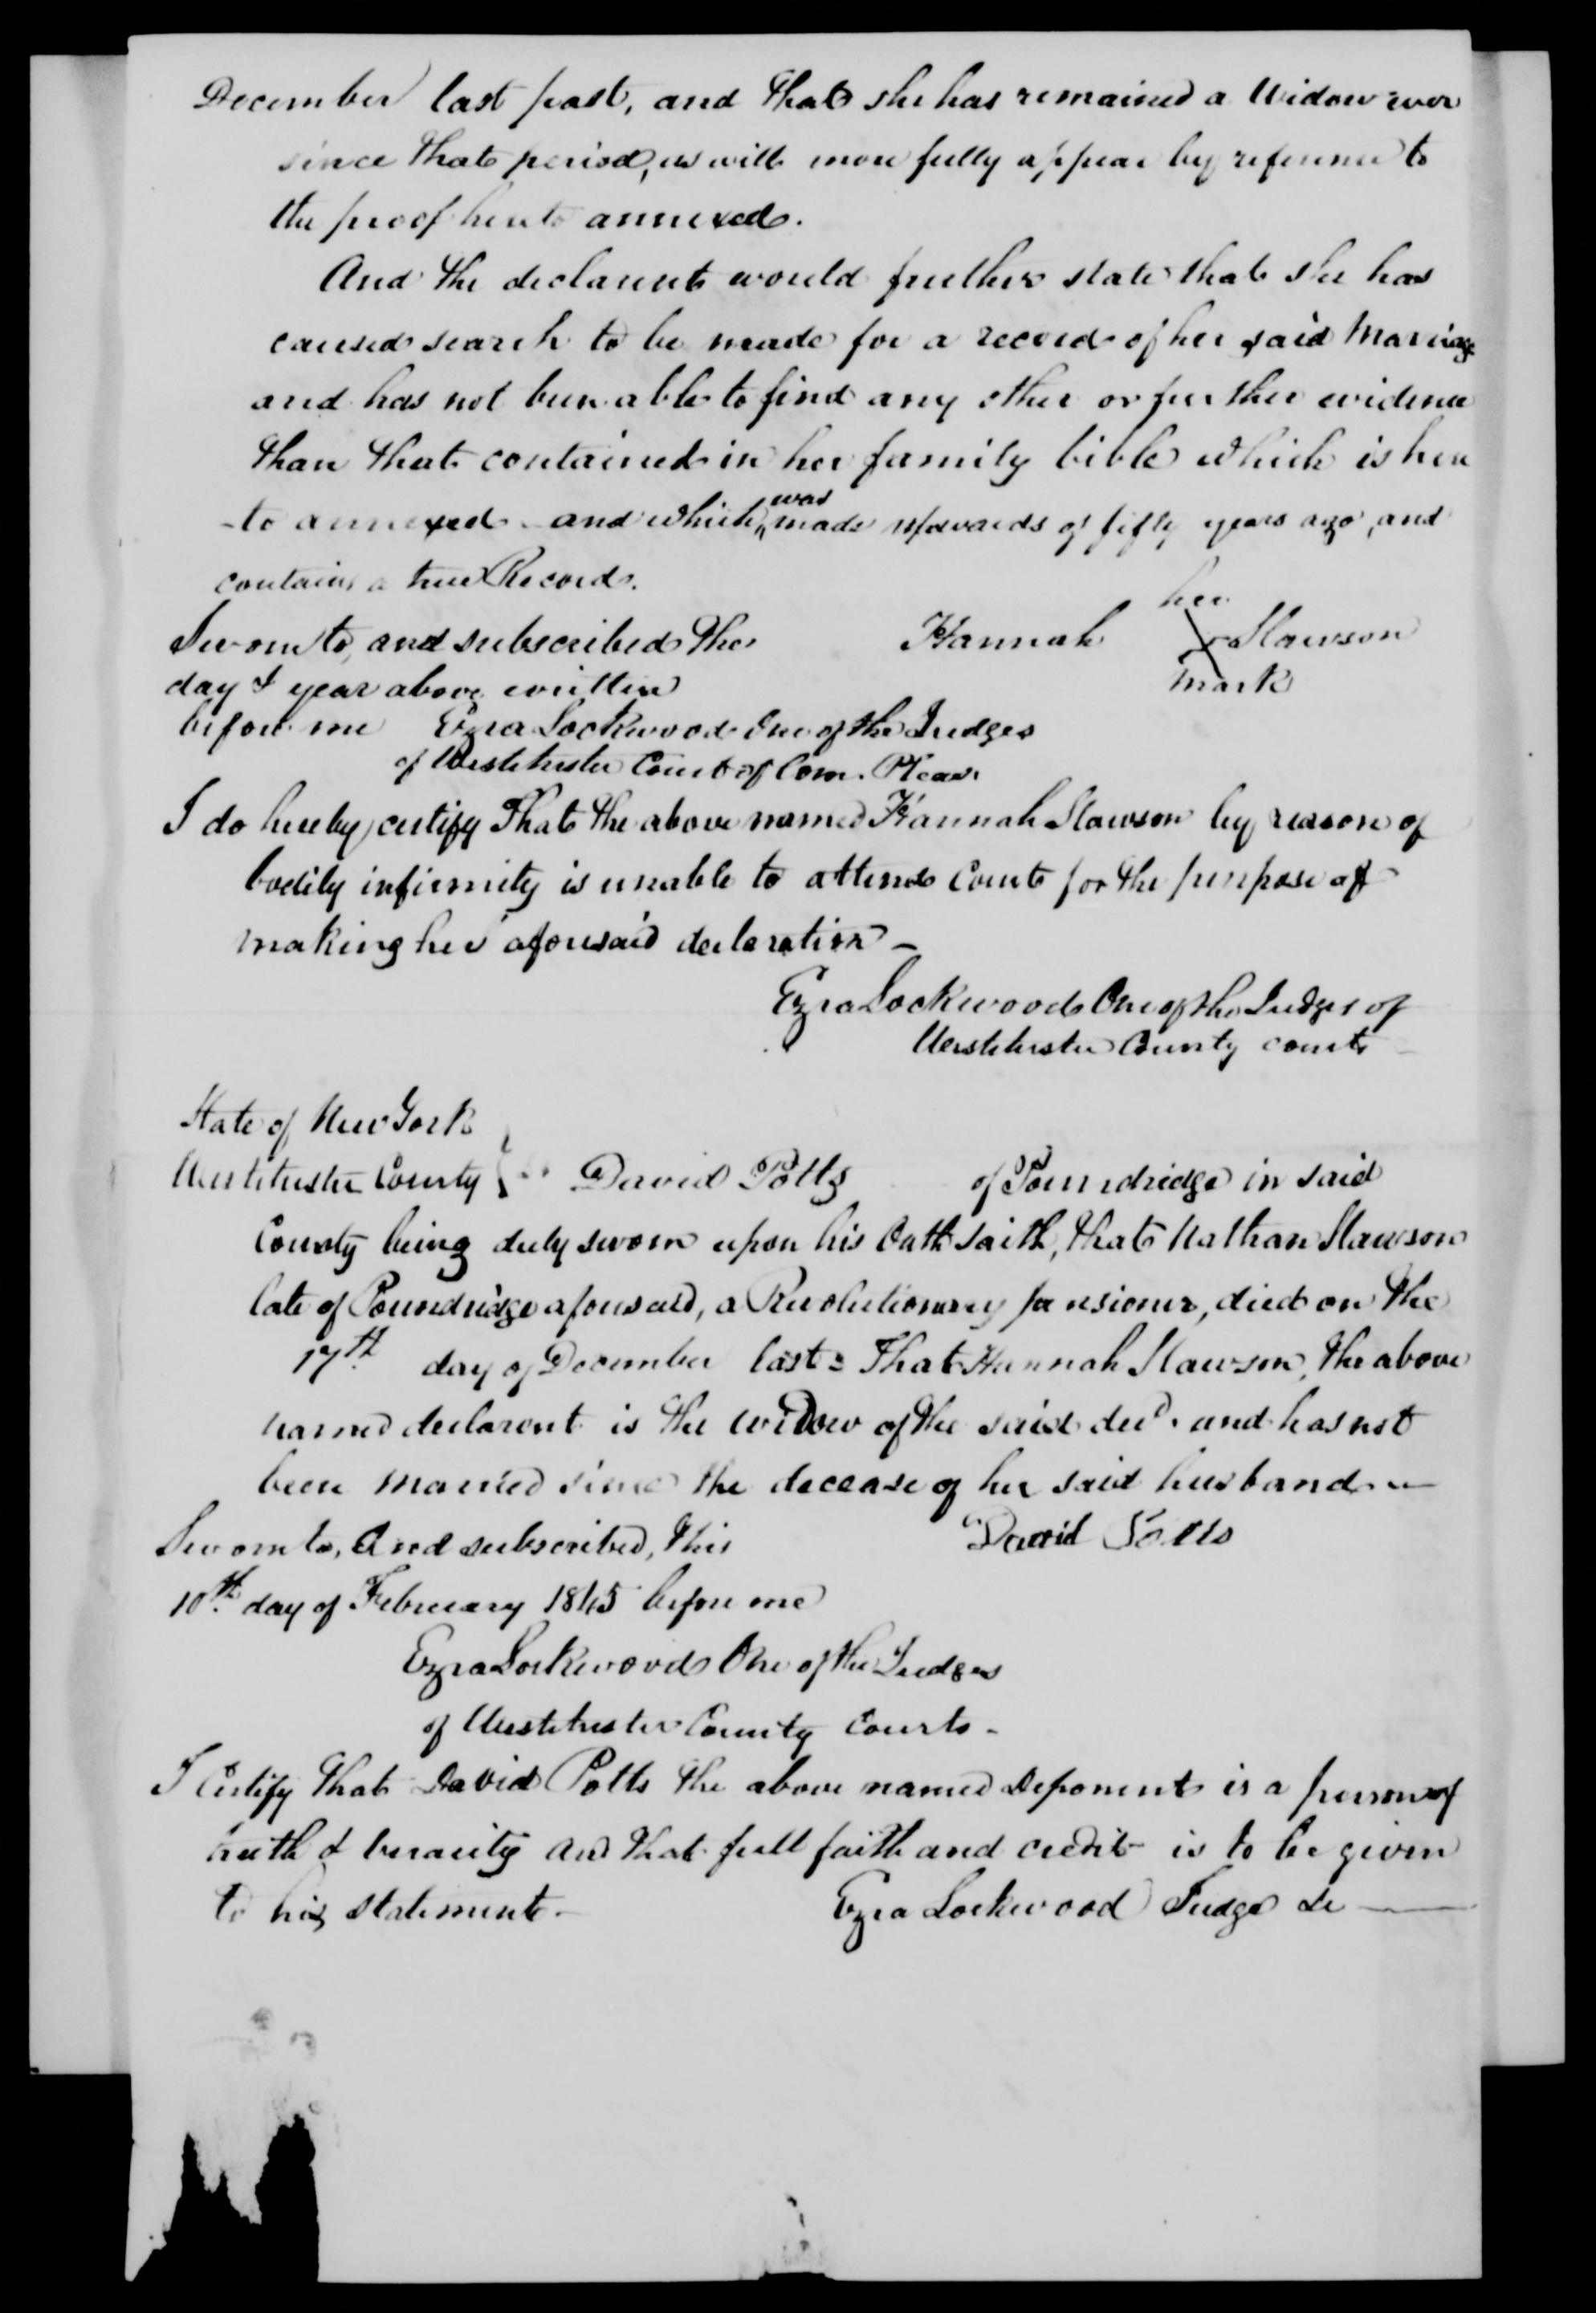December last past, and that she has remained a widow ever since that period, as will more fully appear by reference to the proof hereto annexed. 
And the declarent would further state that she has caused search to be made for a record of her said Marriage and has not been able to find any other or further evidence than that contained in her family bible which is hereto annexed and which was made upwards of fifty years ago, and contains a true Records 
Hannah Slawson her mark
Sworn to and subscribed the day & year above written before me 
Ezra Lockwood one of the Judges of Westchester Court of Com. Pleas 
I do hereby certify that the above named Hannah Slawson by reason of bodily infirmity is unable to attend Court for the purpose of making her aforesaid declaration
Ezra Lockwood one of the Judges of Westchester County Court 
State of New York 
Westchester County} ss David Potts of Poundridge in said County being duly sworn upon his oath saith, that Nathan Slawson late of Poundridge aforesaid, a Revolutionary pensioner, died on the 17th day of December last. That Hannah Slawson, the above named declarent is the widow of the said dec’d and has not been married since the decease of her said husband 
David Potts
Sworn to and subscribed, this 10th day of February 1845 before me 
Ezra Lockwood one of the Judges of Westchester County Courts 
I certify that David Pott the above named Deponent is a person of truth & veracity and that full faith and credit is to be given to his statement- 
Ezra Lockwood Judge &c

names: Ezra Lockwood; Hannah Slawson; Ezra Lockwood; David Potts; Nathan Slawson; David Potts; David Potts; Hannah Slawson; Ezra Lockwood; Ezra Lockwood; Hannah Slawson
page: 16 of 87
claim: widow's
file: W. 22,226, for Nathan Slawson, Connecticut